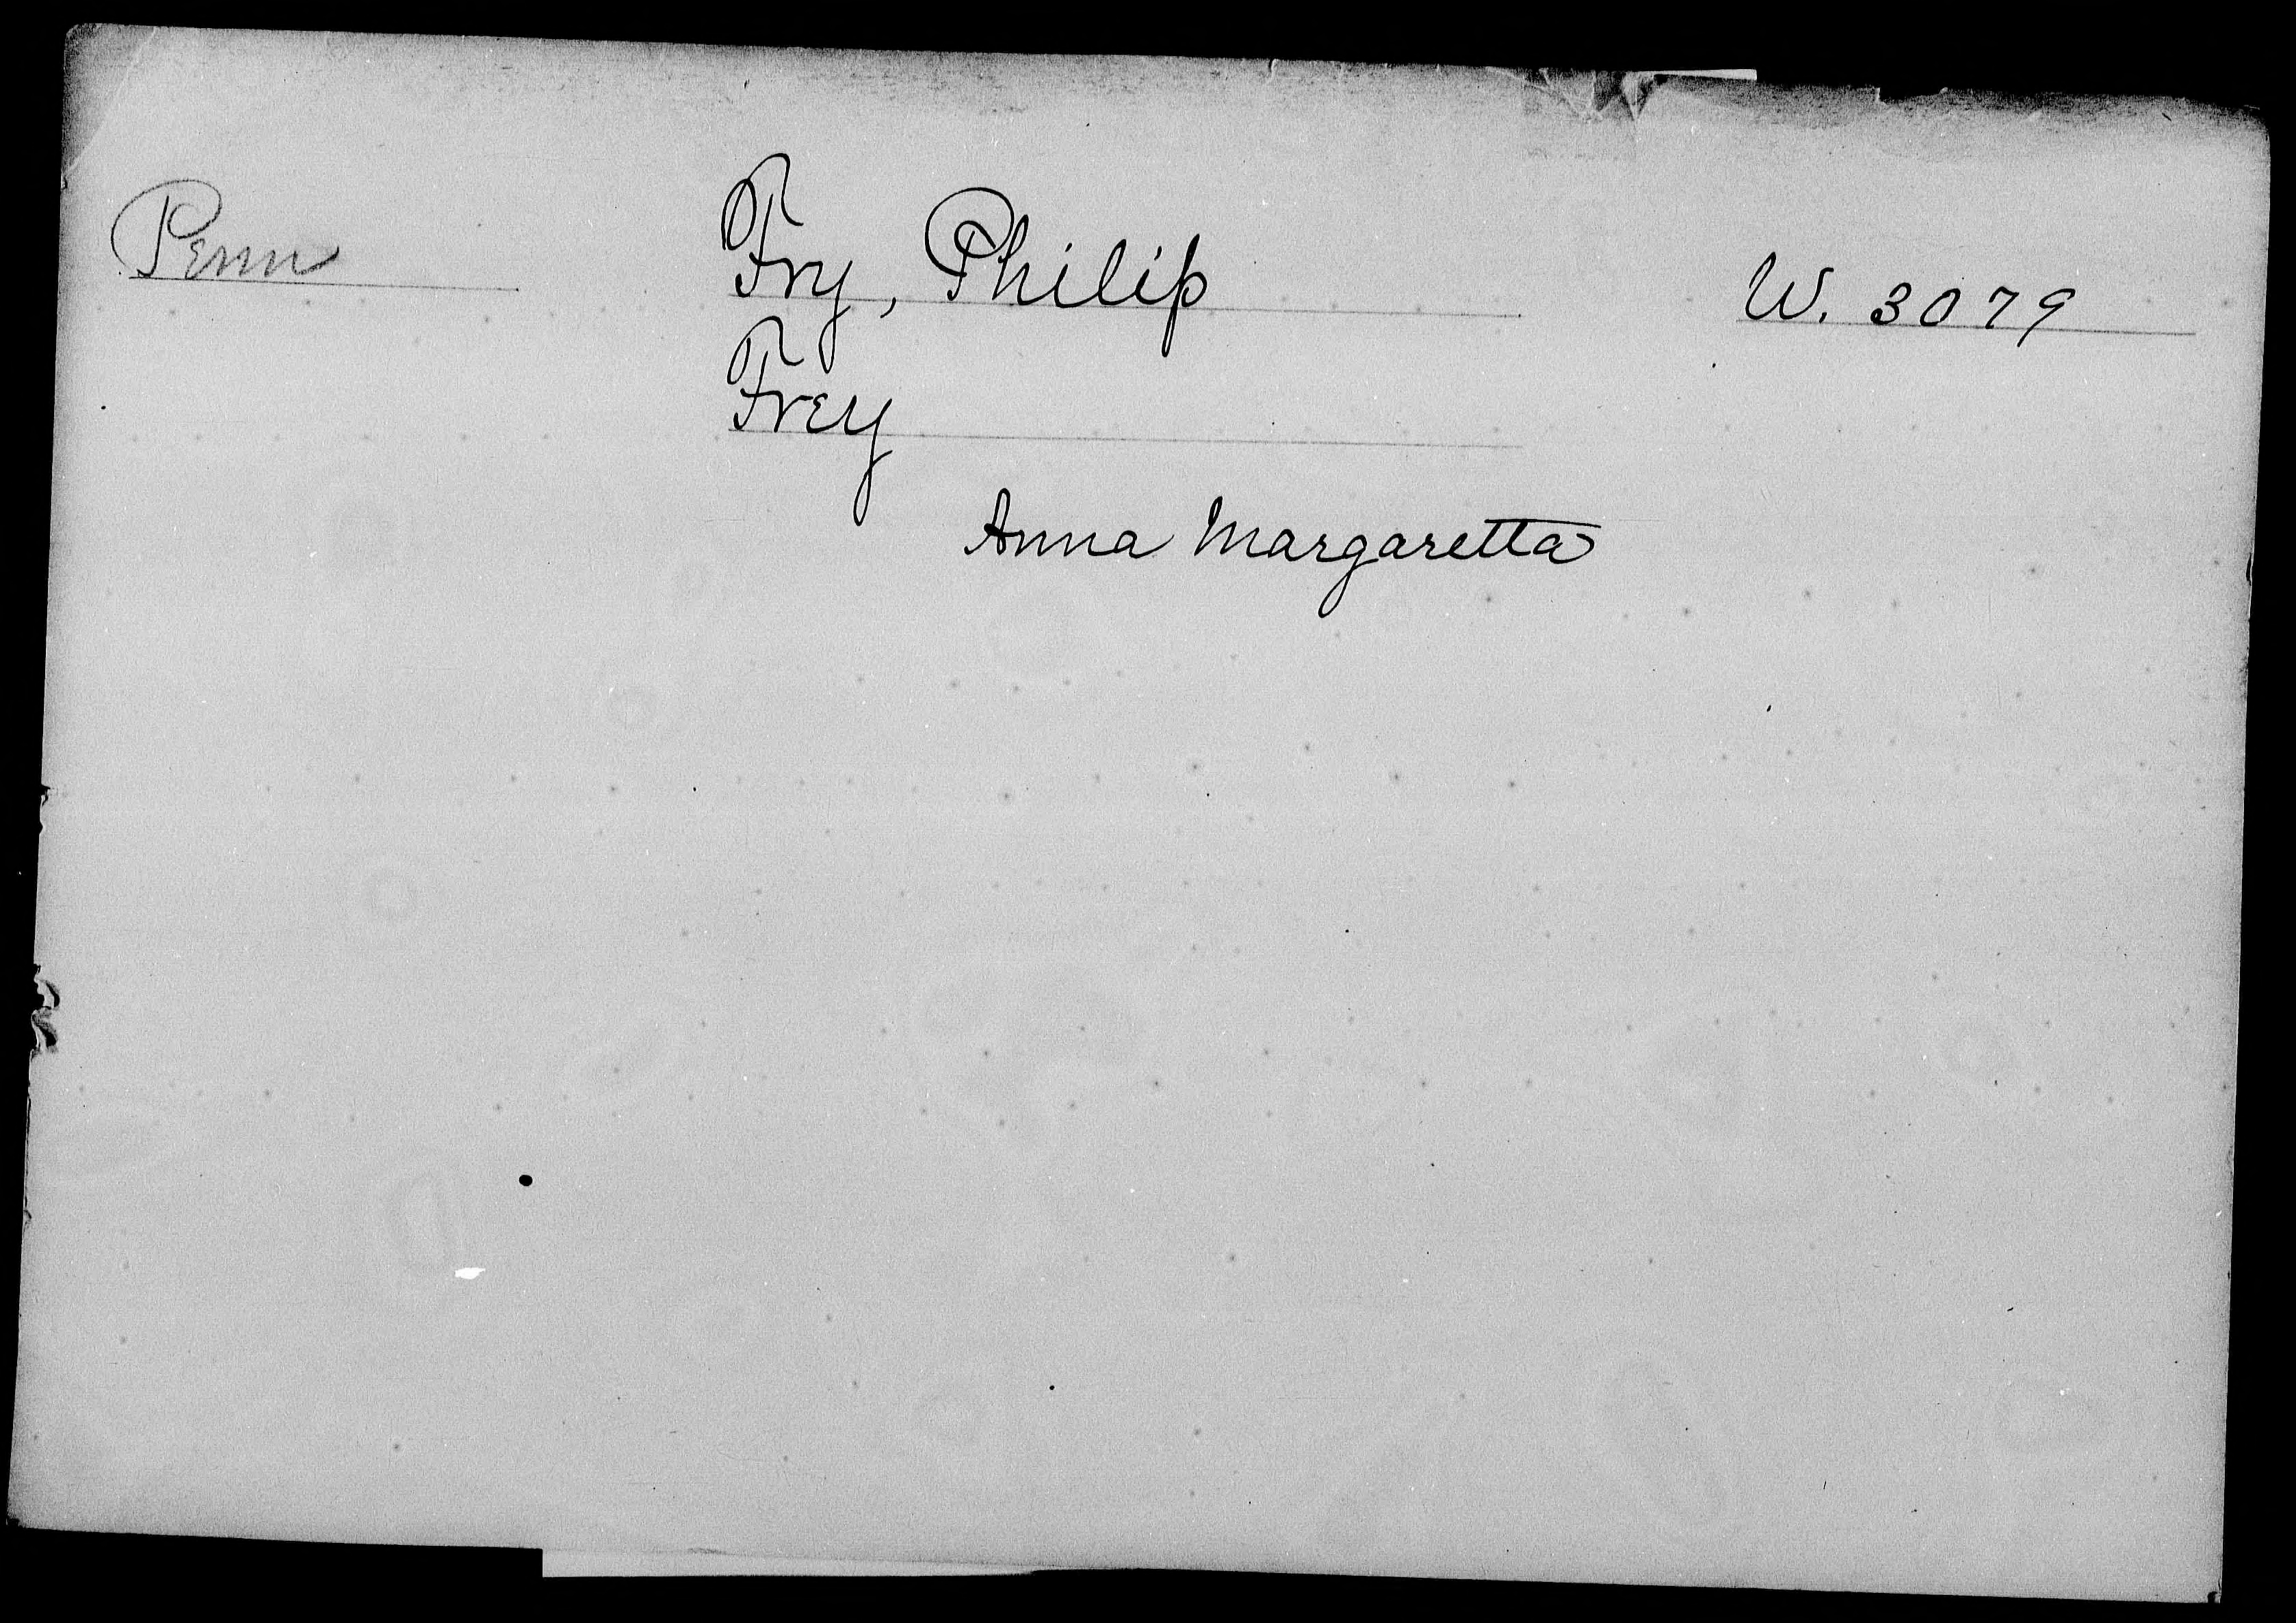Penn
Fry, Philip
Frey Anna Margaretta
---
W. 3079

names: Philip Frey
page: 1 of 1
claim: widow's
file: W. 3079, Philip Fry, Penn.